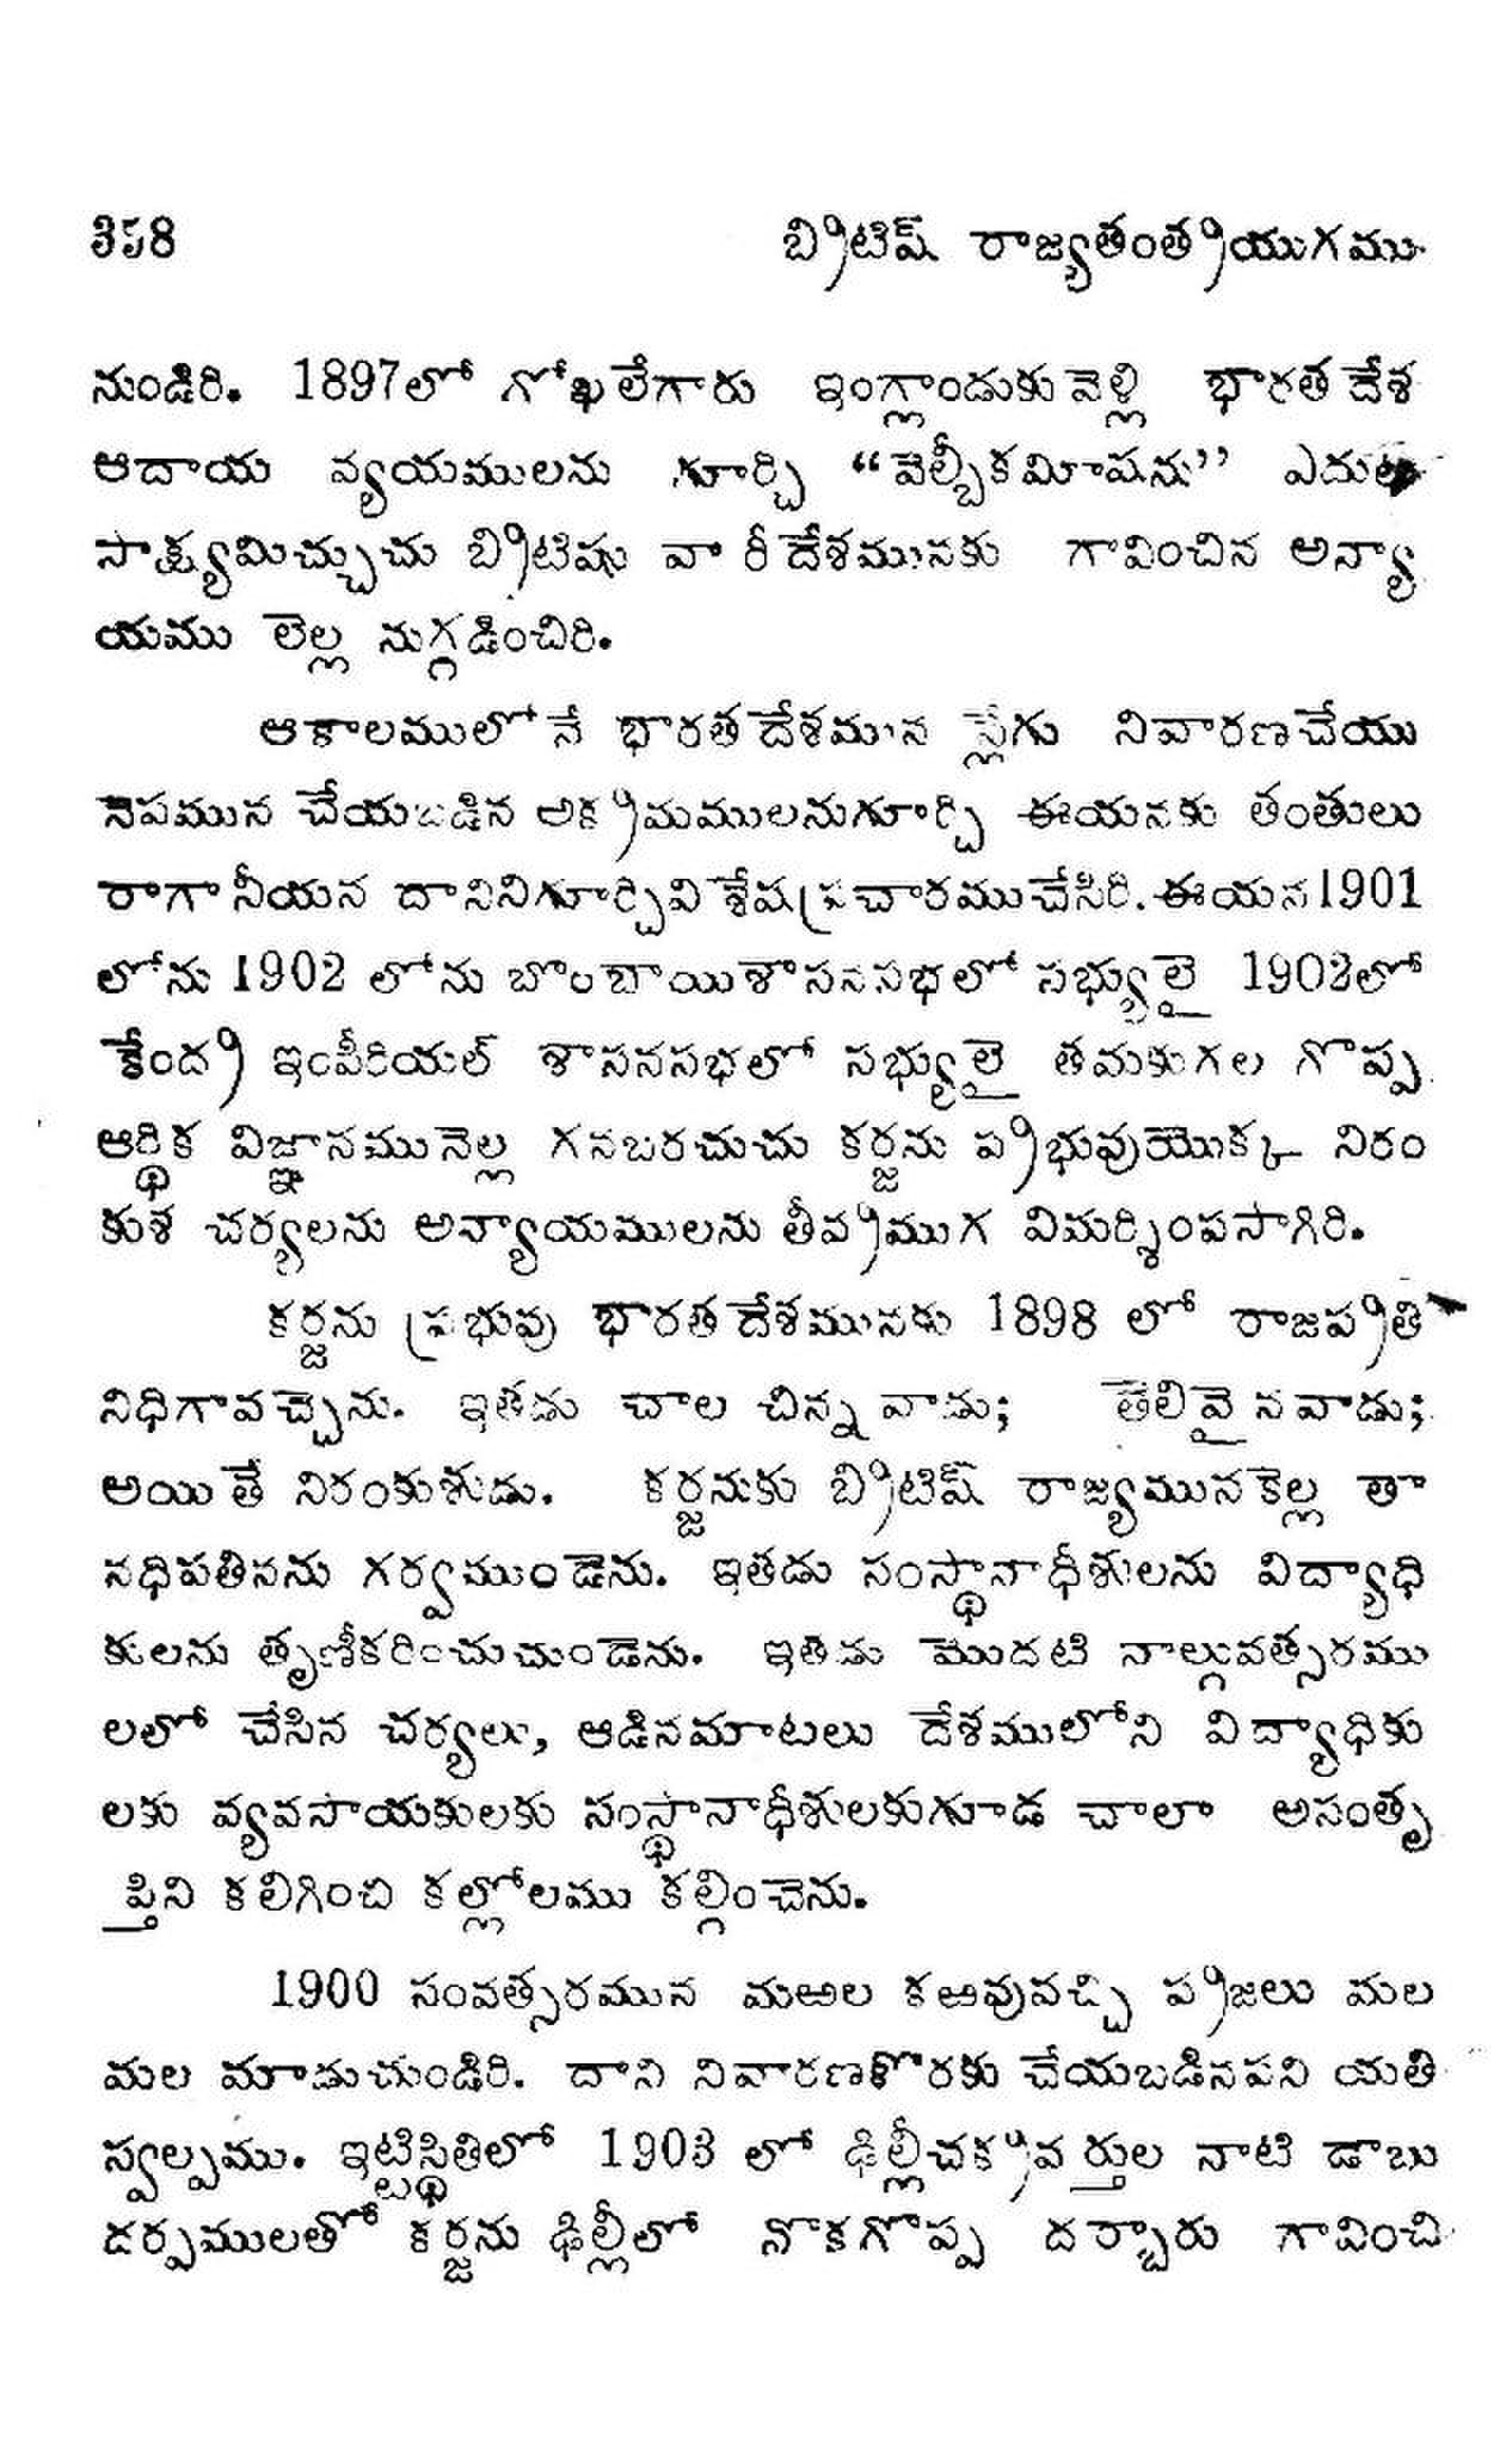నుండిరి. 1897లో గోఖలేగారు. ఇంగ్లాండుకువెళ్లి భారతదేశ ఆదాయ వ్యయములను గూర్చి “ వెల్బీకమీషను" ఎదుట సాక్ష్యమిచ్చుచు బ్రిటిషు వా రీదేశమునకు గావించిన అన్యాయము లెల్ల నుగ్గడించిరి.

ఆకాలములోనే భారతదేశమున ప్లేగు నివారణచేయు నెపమున చేయబడిన అక్రమములనుగూర్చి ఈయనకు తంతులు రాగా నీయన దానినిగూర్చివిశేషప్రచారముచేసిరి. ఈయన 1901 లోను 1902 లోను బొంబాయిశాసనసభలో సభ్యులై 1902లో కేంద్ర ఇంపీరియల్ శాసనసభలో సభ్యులై తమకుగల గొప్ప ఆర్థిక విజ్ఞానమునెల్ల గనబరచుచు కర్జను ప్రభువుయొక్క నిరంకుశ చర్యలను అన్యాయములను తీవ్రముగ విమర్శింపసాగిరి.

కర్జను ప్రభువు భారతదేశమునకు 1898 లో రాజప్రతినిధిగావచ్చెను. ఇతడు చాల చిన్నవాడు; తెలివైనవాడు; అయితే నిరంకుశుడు. కర్జనుకు బ్రిటిష్ రాజ్యమునకెల్ల తా నధిపతినను గర్వముండెను. ఇతడు సంస్థానాధీశులను విద్యాధికులను తృణీకరించుచుండెను. ఇతను మొదటి నాల్గువత్సరములలో చేసిన చర్యలు, ఆడినమాటలు దేశములోని విద్యాధికులకు వ్యవసాయకులకు సంస్థానాధీశులకుగూడ చాలా అసంతృప్తిని కలిగించి కల్లోలము కల్గించెను.

1900 సంవత్సరమున మఱల కఱవువచ్చి ప్రజలు మల మల మాడుచుండిరి. దాని నివారణకొరకు చేయబడినపని యతి స్వల్పము. ఇట్టిస్థితిలో 1903 లో ఢిల్లీచక్రవర్తుల నాటి డాబు దర్పములతో కర్జను ఢిల్లీలో నొక గొప్ప దర్బారు గావించి